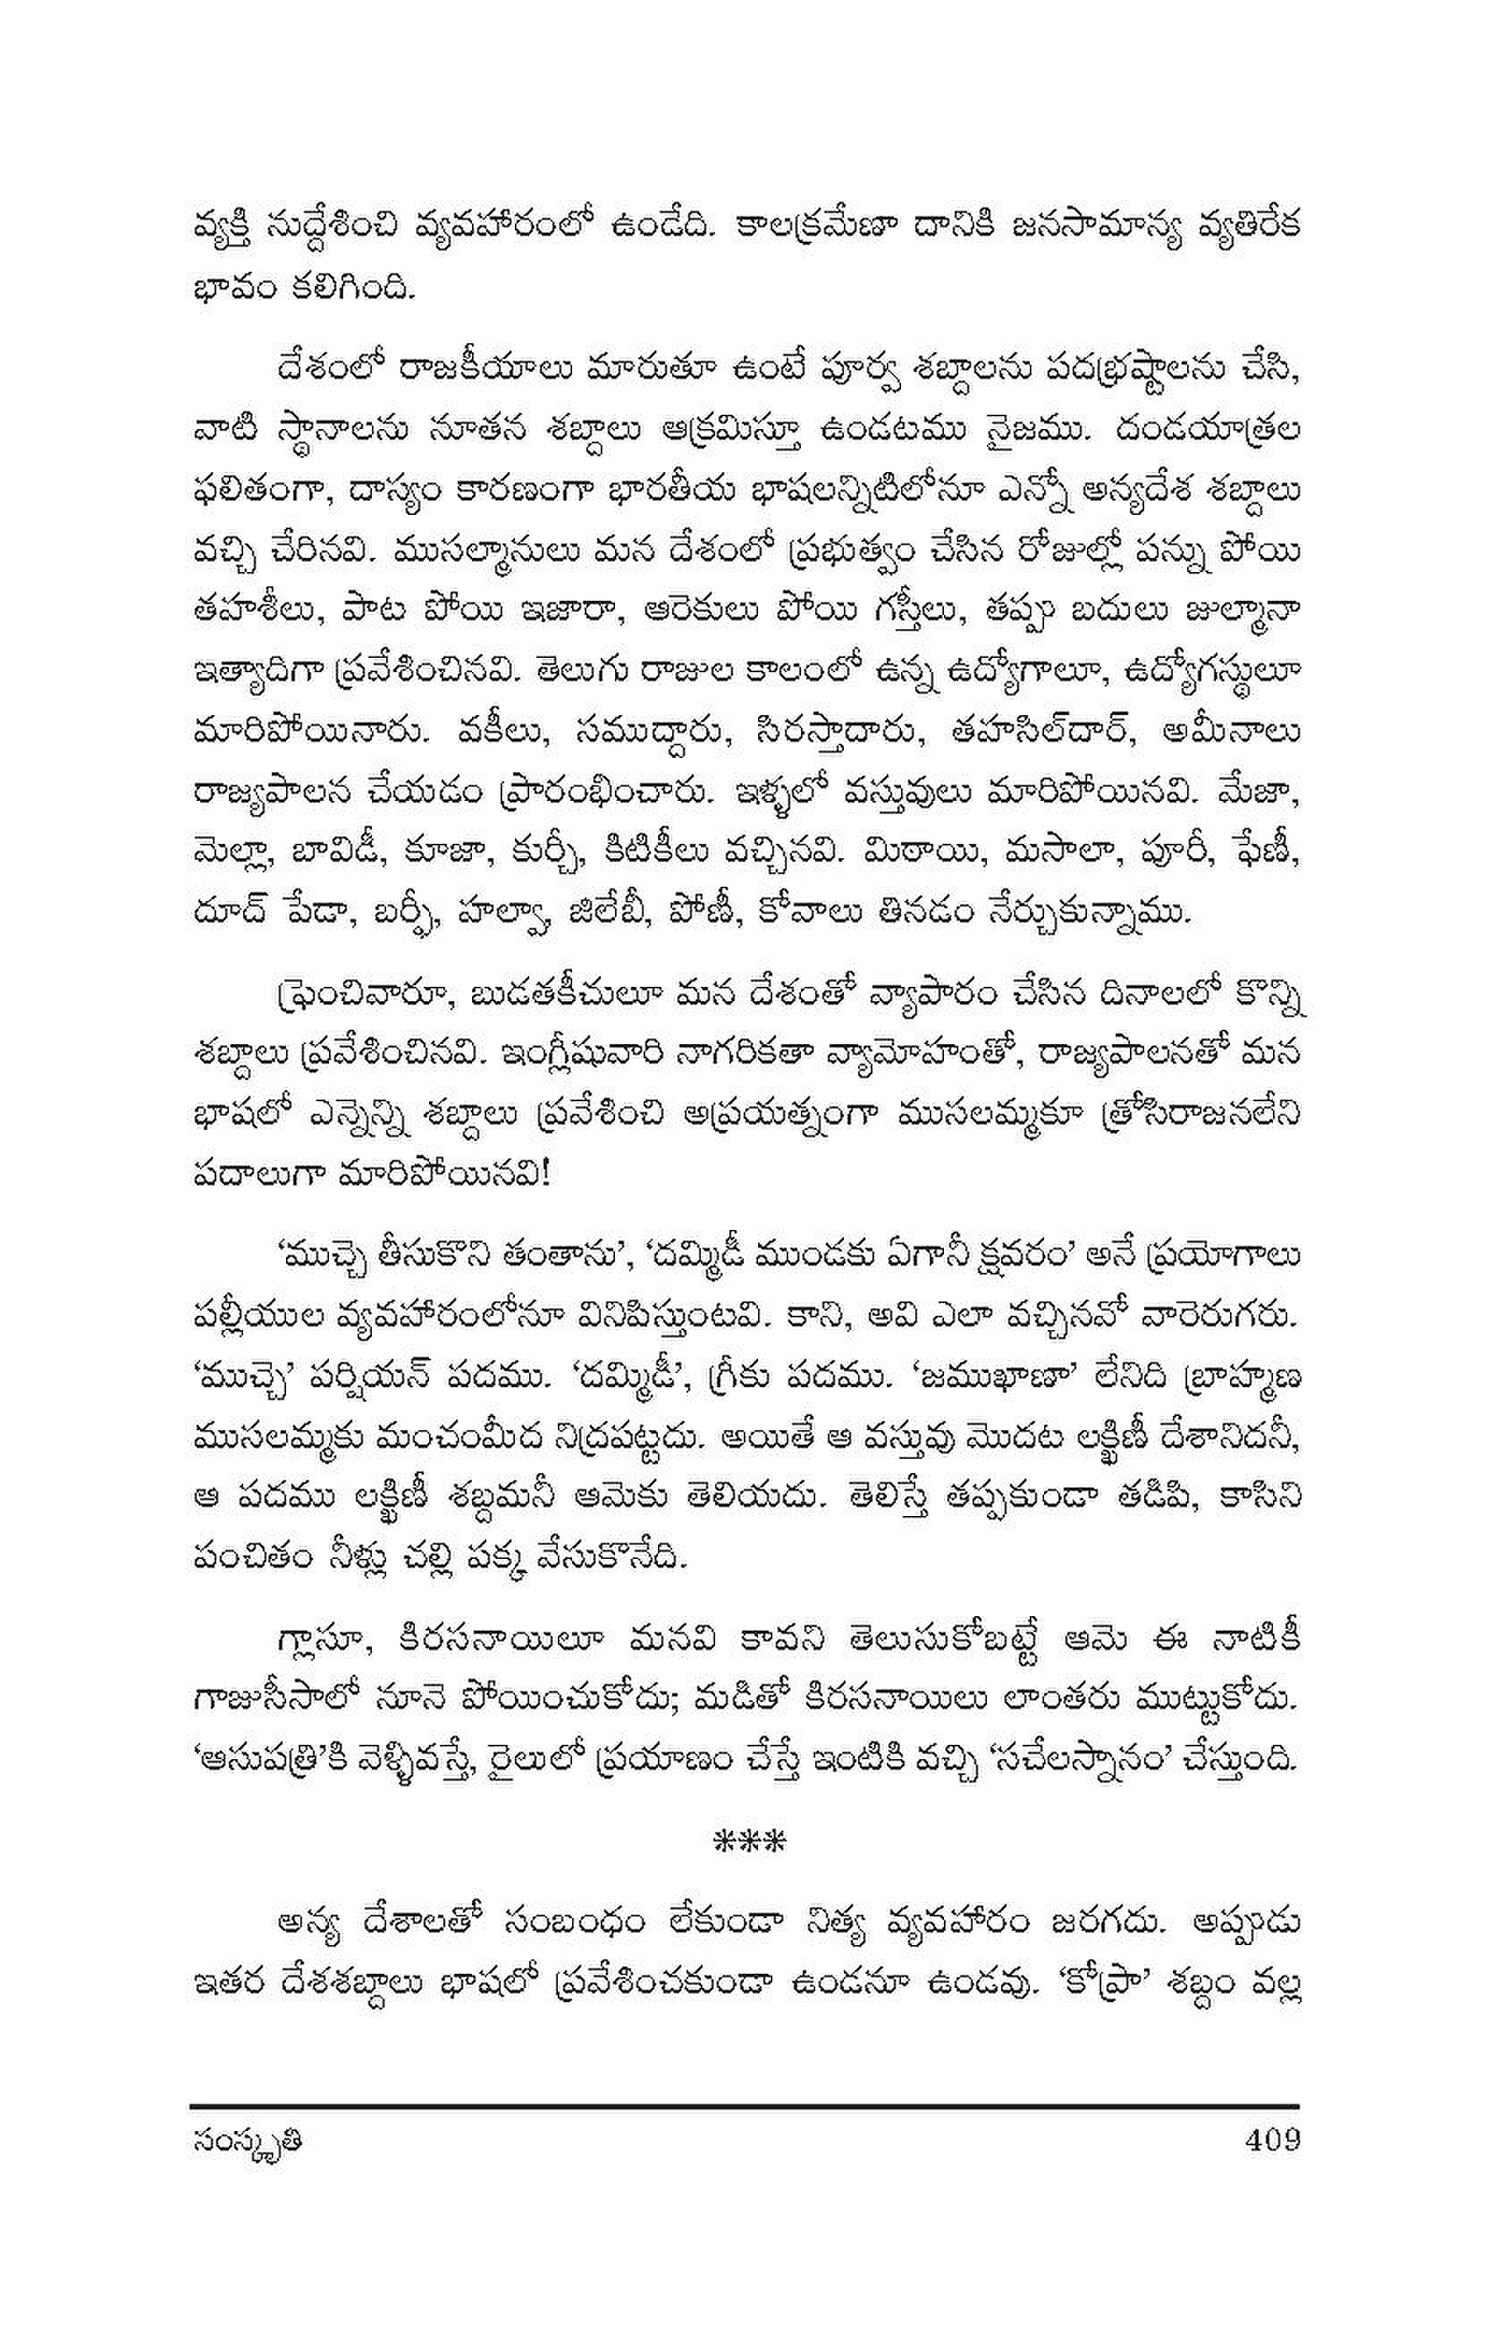వ్యక్తి నుద్దేశించి వ్యవహారంలో ఉండేది. కాలక్రమేణా దానికి జనసామాన్య వ్యతిరేక
భావం కలిగింది.

దేశంలో రాజకీయాలు మారుతూ ఉంటే పూర్వ శబ్దాలను పదభ్రష్టాలను చేసి,
వాటి స్థానాలను నూతన శబ్దాలు ఆక్రమిస్తూ ఉండటము నైజము. దండయాత్రల
ఫలితంగా, దాస్యం కారణంగా భారతీయ భాషలన్నిటిలోనూ ఎన్నో అన్యదేశ శబ్దాలు
వచ్చి చేరినవి. ముసల్మానులు మన దేశంలో ప్రభుత్వం చేసిన రోజుల్లో పన్ను పోయి
తహశీలు, పాట పోయి ఇజారా, ఆరెకులు పోయి గస్తీలు, తప్పు బదులు జుల్మానా
ఇత్యాదిగా ప్రవేశించినవి. తెలుగు రాజుల కాలంలో ఉన్న ఉద్యోగాలూ, ఉద్యోగస్థులూ
మారిపోయినారు. వకీలు, సముద్దారు, సిరస్తాదారు, తహసిల్దార్, అమీనాలు
రాజ్యపాలన చేయడం ప్రారంభించారు. ఇళ్ళలో వస్తువులు మారిపోయినవి. మేజా,
మెల్లా, బావిడీ, కూజా, కుర్చీ, కిటికీలు వచ్చినవి. మిఠాయి, మసాలా, పూరీ, ఫేణీ,
దూద్ పేడా, బర్ఫీ, హల్వా, జిలేబీ, పోణీ, కోవాలు తినడం నేర్చుకున్నాము.

ఫ్రెంచివారూ, బుడతకీచులూ మన దేశంతో వ్యాపారం చేసిన దినాలలో కొన్ని
శబ్దాలు ప్రవేశించినవి. ఇంగ్లీషువారి నాగరికతా వ్యామోహంతో, రాజ్యపాలనతో మన
భాషలో ఎన్నెన్ని శబ్దాలు ప్రవేశించి అప్రయత్నంగా ముసలమ్మకూ త్రోసిరాజనలేని
పదాలుగా మారిపోయినవి!

'ముచ్చె తీసుకొని తంతాను', 'దమ్మిడీ ముండకు ఏగానీ క్షవరం' అనే ప్రయోగాలు
పల్లీయుల వ్యవహారంలోనూ వినిపిస్తుంటవి. కాని, అవి ఎలా వచ్చినవో వారెరుగరు.
'ముచ్చె' పర్షియన్ పదము. 'దమ్మిడీ', గ్రీకు పదము. 'జముఖాణా' లేనిది బ్రాహ్మణ
ముసలమ్మకు మంచంమీద నిద్రపట్టదు. అయితే ఆ వస్తువు మొదట లక్షిణీ దేశానిదనీ,
ఆ పదము లక్టిణీ శబ్దమనీ ఆమెకు తెలియదు. తెలిస్తే తప్పకుండా తడిపి, కాసిని
పంచితం నీళ్లు చల్లి పక్క వేసుకొనేది.

గ్లాసూ, కిరసనాయిలూ మనవి కావని తెలుసుకోబట్టే ఆమె ఈ నాటికీ
గాజుసీసాలో నూనె పోయించుకోదు; మడితో కిరసనాయిలు లాంతరు ముట్టుకోదు.
'ఆసుపత్రి'కి వెళ్ళివస్తే, రైలులో ప్రయాణం చేస్తే ఇంటికి వచ్చి 'సచేలస్నానం' చేస్తుంది.

అన్య దేశాలతో సంబంధం లేకుండా నిత్య వ్యవహారం జరగదు. అప్పుడు
ఇతర దేశశబ్దాలు భాషలో ప్రవేశించకుండా ఉండనూ ఉండవు. 'కోప్రా' శబ్దం వల్ల